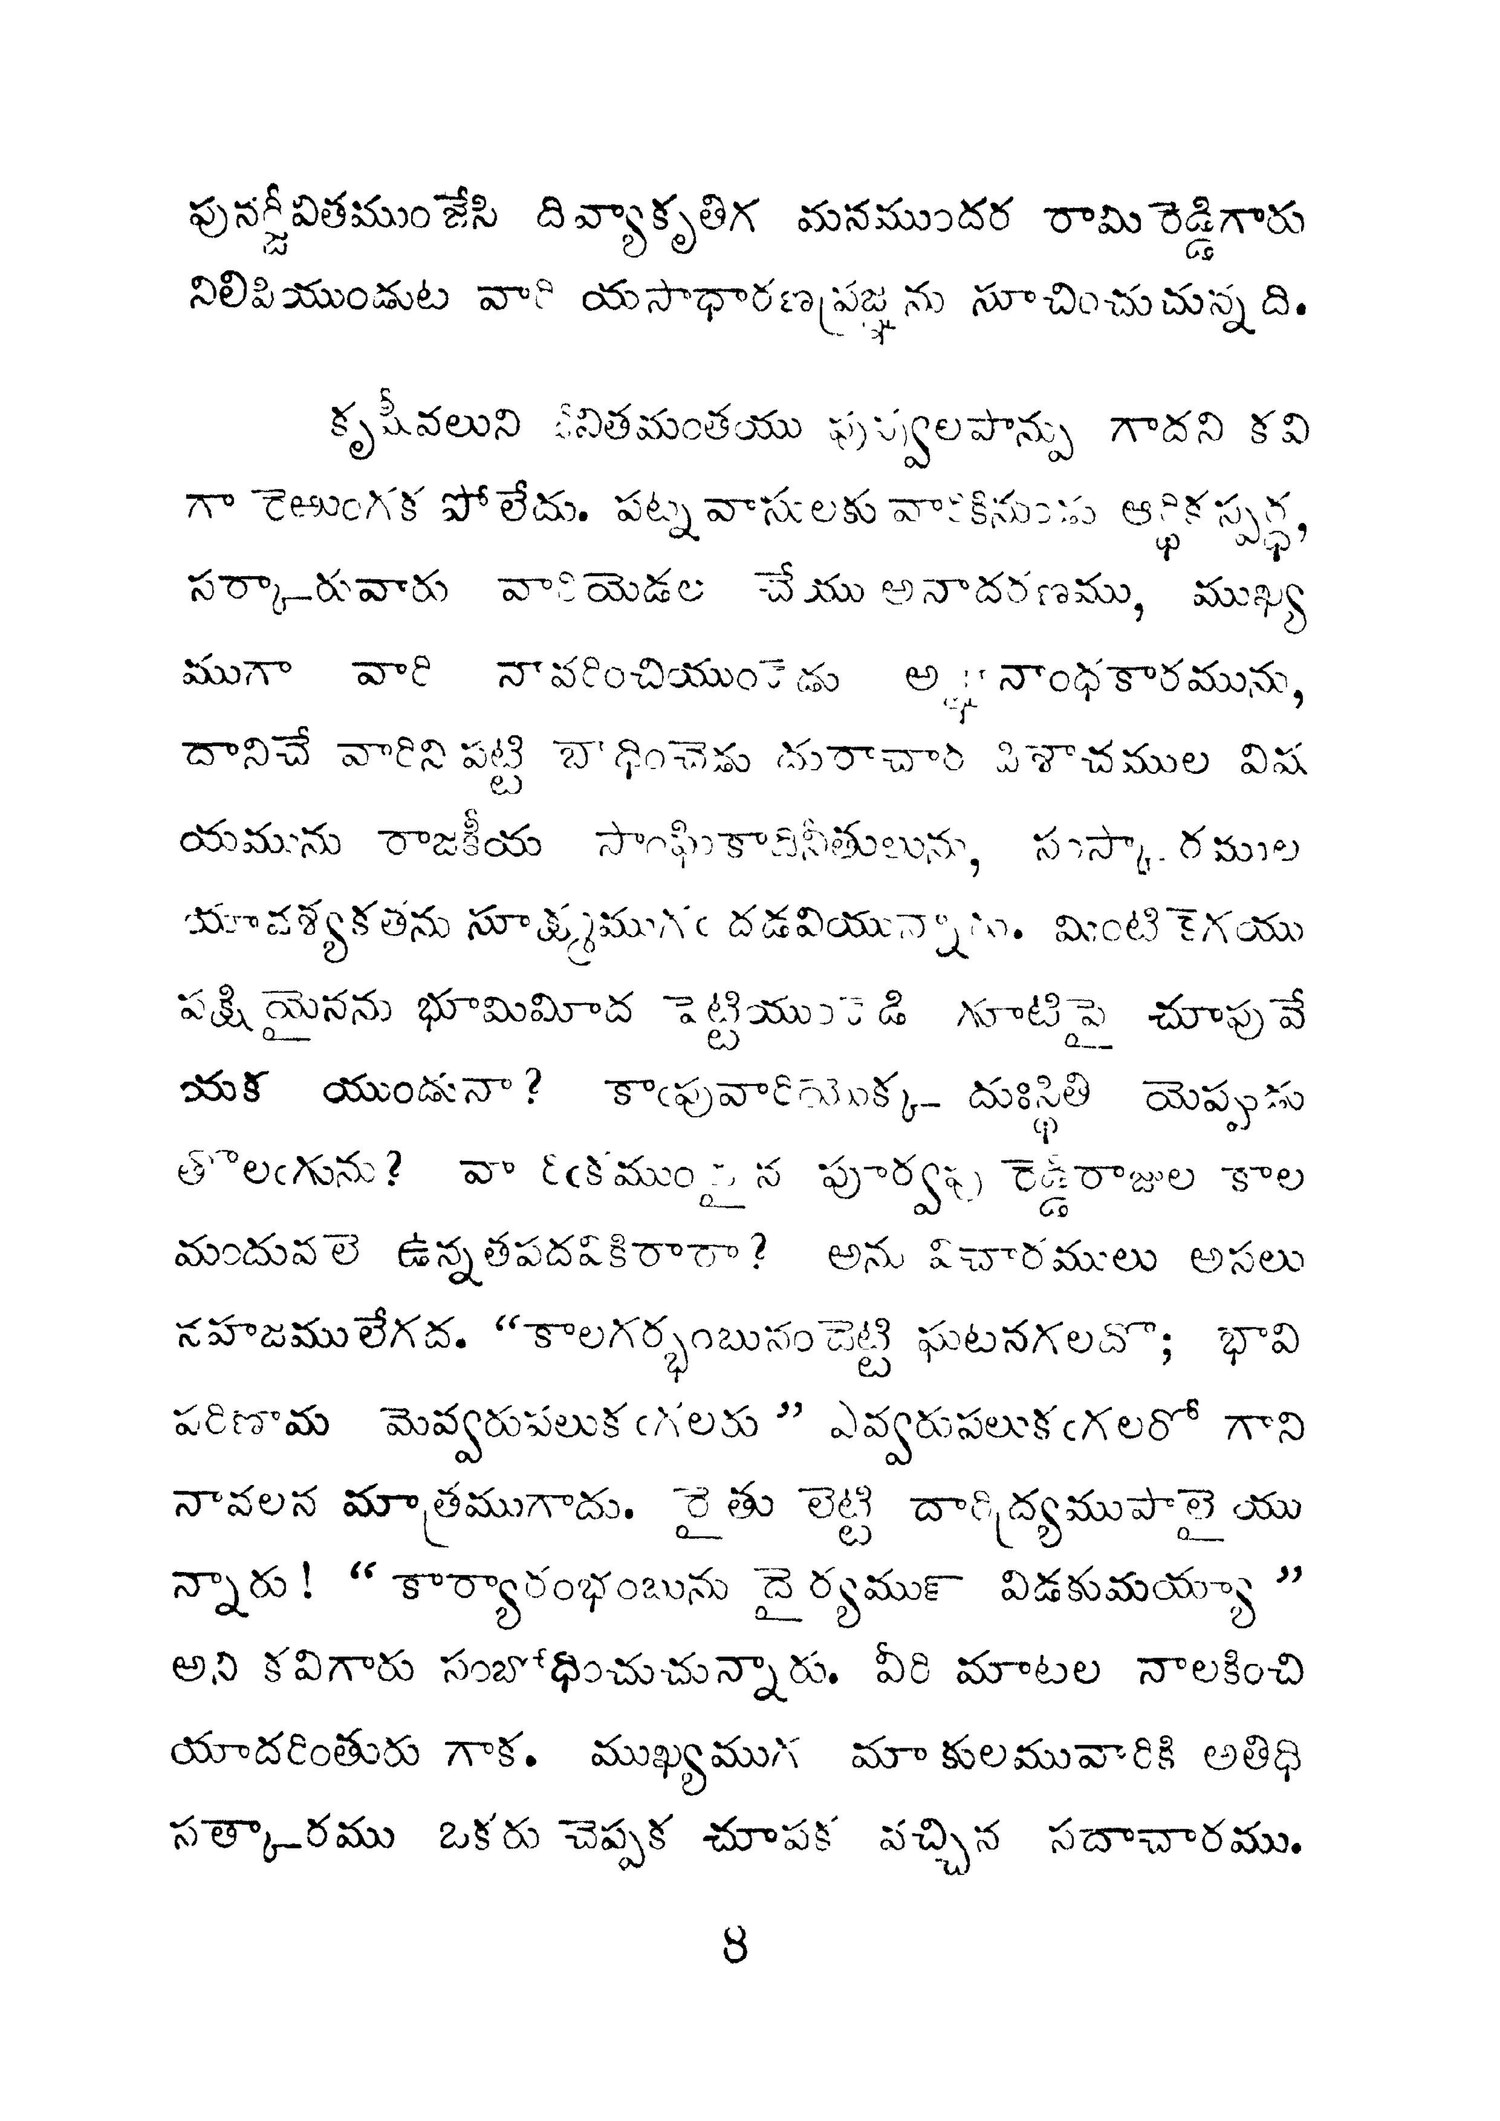పునర్జీవితముంజేసి దివ్యాకృతిగ మనముందర రామిరెడ్డిగారు నిలిపియుండుట వారి యసాధారణప్రజ్ఞను సూచించుచున్నది.

కృషీవలుని జీవితమంతయు పువ్వులపాన్పు గాదని కవిగా రెఱుంగక పోలేదు. పట్నవాసులకు వారికినుండు ఆర్థికస్పర్థ, సర్కారువారు వారియెడల చేయు అనాదరణము, ముఖ్యముగా వారి నావరించియుండెడు అజ్ఞానాంధకారమును, దానిచే వారినిపట్టి బాధించెడు దురాచార పిశాచముల విషయమును రాజకీయ సాంఘికాదినీతులును, సంస్కారముల యావశ్యకతను సూక్ష్మముగ దడవియున్నారు. మింటికెగయు పక్షియైనను భూమిమీద పెట్టియుండెడి గూటిపై చూపువేయక యుండునా? కాపువారియొక్క దుఃస్థితి యెప్పుడు తొలగును? వా రికముందైన పూర్వపు రెడ్డిరాజుల కాల మందువలె ఉన్నతపదవికిరారా? అను విచారములు అసలు సహజములేగద. "కాలగర్భంబు నందెట్టి ఘటనగలదొ; భావిపరిణామ మెవ్వరు పలుకగలరు" ఎవ్వరు పలుకగలరో గాని నావలన మాత్రముగాదు. రైతు లెట్టి దారిద్ర్యముపాలైయున్నారు! "కార్యారంభంబును ధైర్యమున్‌ విడకుమయ్యా" అని కవిగారు సంబోధించుచున్నారు. వీరి మాటల నాలకించి యాదరింతురు గాక. ముఖ్యముగ మా కులమువారికి అతిథి సత్కారము ఒకరు చెప్పక చూపక వచ్చిన సదాచారము.